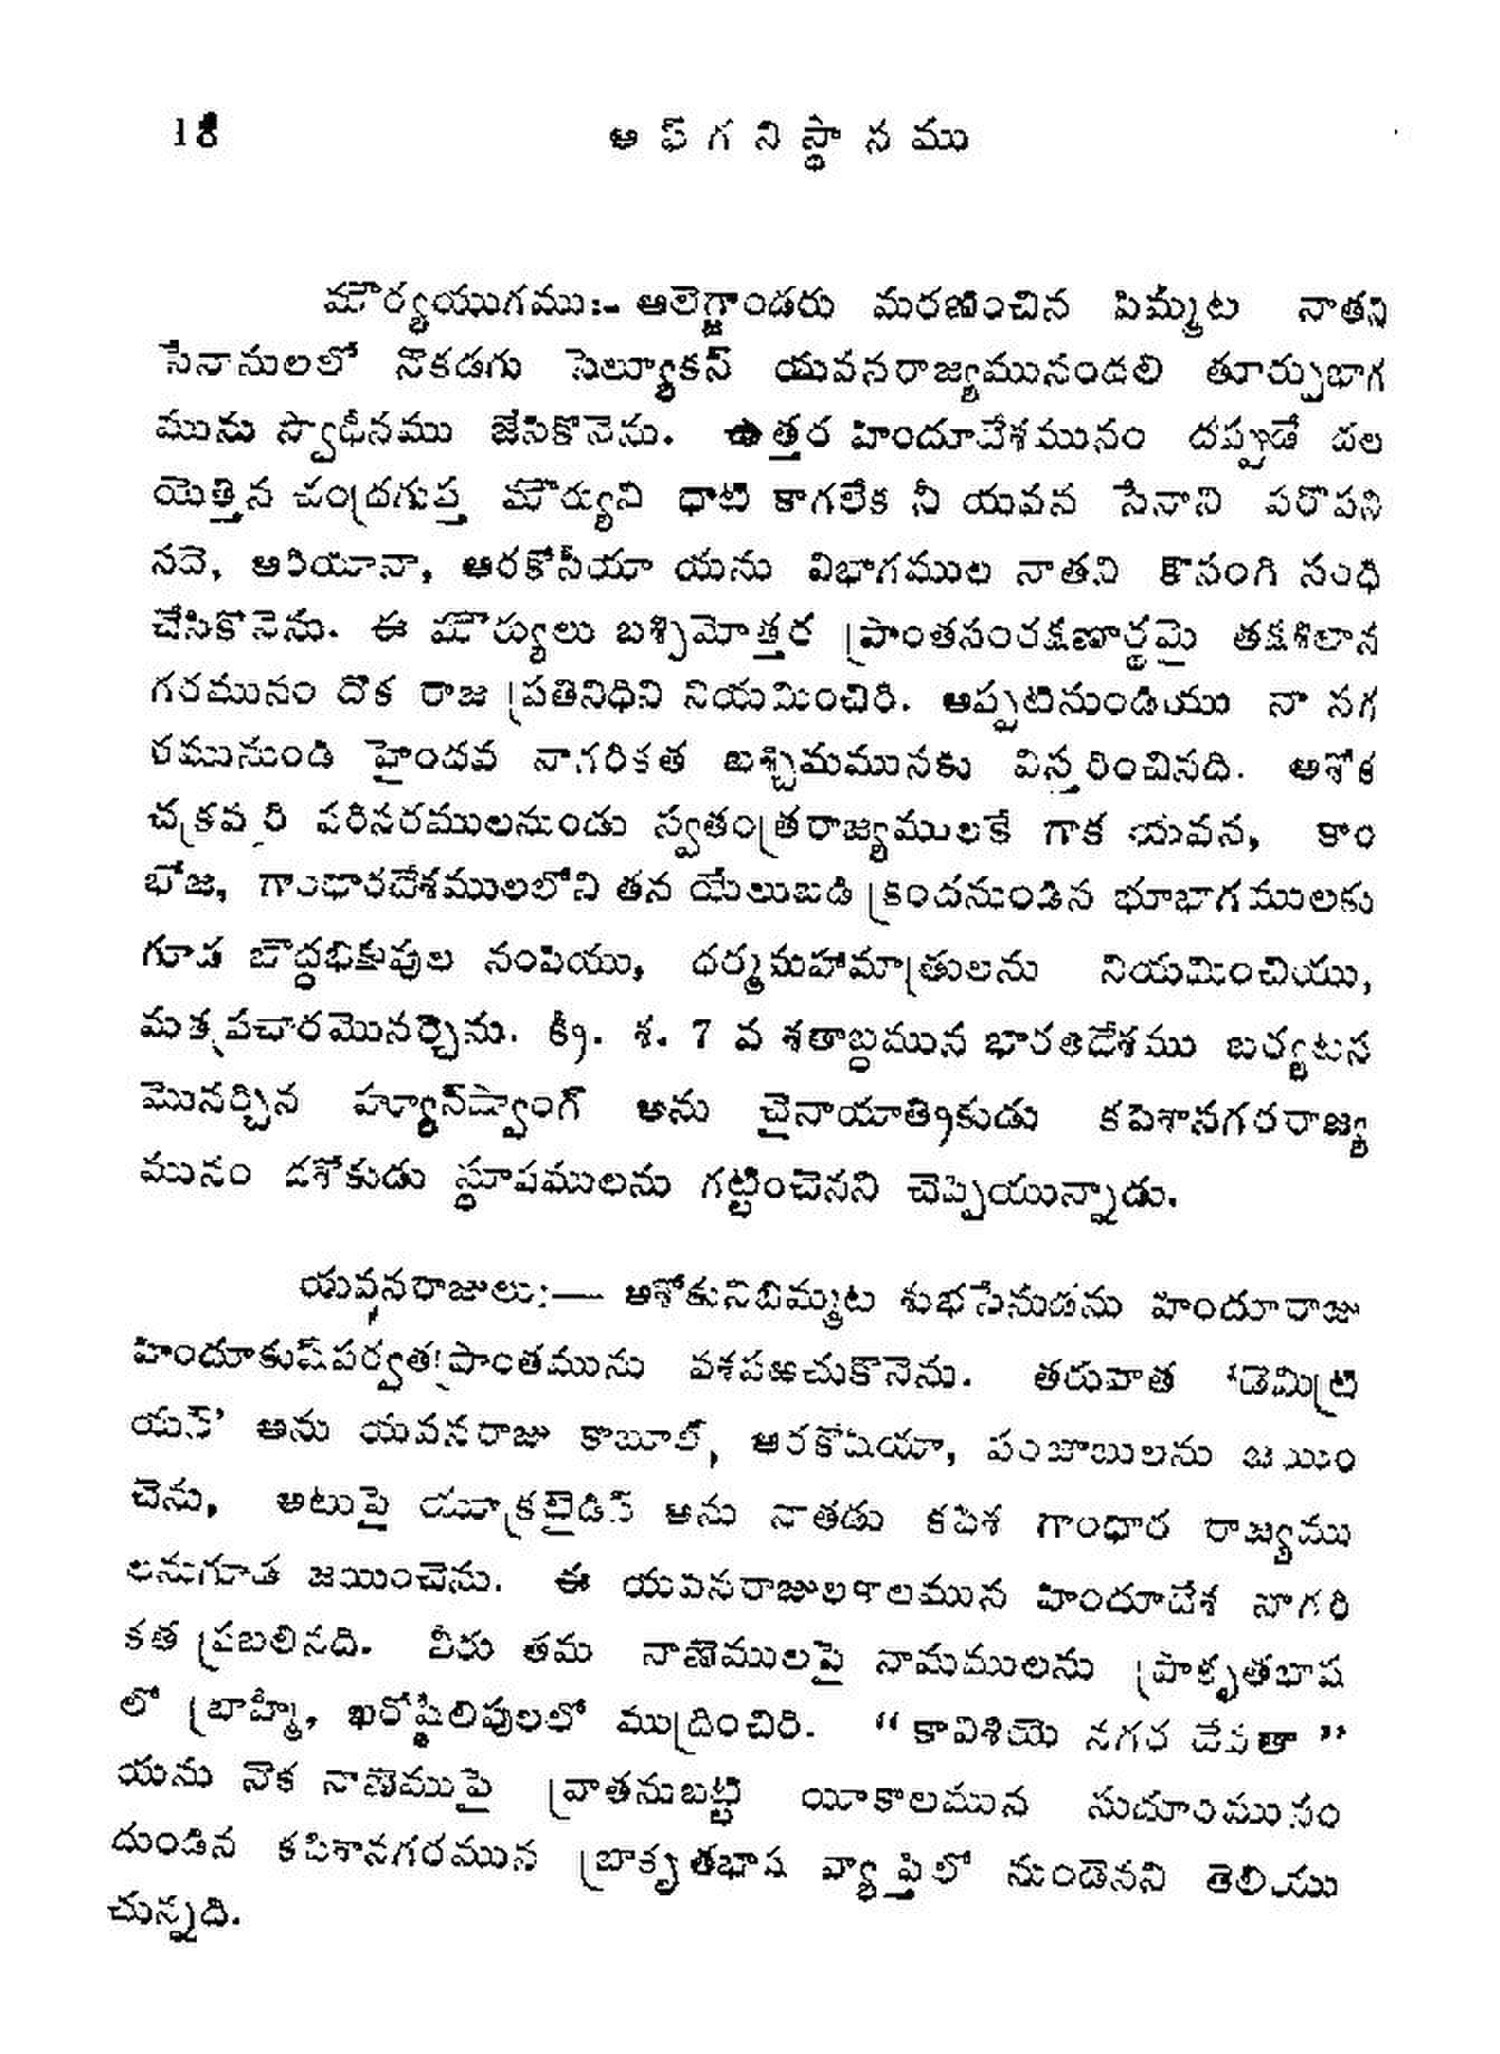మౌర్యయుగము :- అలెగ్జాండరు మరణించిన పిమ్మట నాతని సేనానులలో నొకడగు సెల్యూకస్ యవనరాజ్యమునందలి తూర్పుభాగమును స్వాధీనము జేసికొనెను. ఉత్తర హిందూదేశమునం దప్పుడే దలయెత్తిన చంద్రగుప్త మౌర్యుని ధాటి కాగలేక నీ యవన సేనాని పరోపనినది, అరియానా, అరకోసియా యను విభాగముల నాతని కొసంగి సంధి చేసికొనెను. ఈ మౌర్యులు బశ్చిమోత్తర ప్రాంతసంరక్షణార్థమై తక్షశిలానగరమునం దొక రాజ ప్రతినిదిని నియమించిరి. అప్పటినుండియు నా నగరమునుండి హైందవ నాగరికత బశ్చిమమునకు విస్తరించినది. అశోకచక్రవర్తి పరిసరములనుండు స్వతంత్రరాజ్యములకే గాక యవన, కాంభోజ, గాంధారదేశములలోని తన యేలుబడి క్రిందనుండిన భూభాగములకు గూడ బౌద్దభిక్షువుల నంపియు, ధర్మమహామాత్రులను నియమించియు, మతప్రచారమొనర్చెను. క్రీ. శ. 7 వ శతాబ్దమున భారతదేశము బర్యటన మొనర్చిన హ్యూన్‌ష్వాంగ్ అను చైనాయాత్రికుడు కపిశానగరరాజ్యమునం దశోకుడు స్థూపములను గట్టించెనని చెప్పియున్నాడు. 

యవనరాజులు :- అశోకునిబిమ్మట శుభసేనుడను హిందూరాజు హిందూకుష్‌పర్వత ప్రాంతమును వశపఱచుకొనెను. తరువాత 'డెమిట్రియస్‌' అను యవనరాజు కాబూల్, అరకోషియా, పంజాబులను జయించెను, అటుపై యూక్రటైడిస్ అను నాతడు కపిశ గాంధార రాజ్యములనుగూడ జయించెను. ఈ యవనరాజులకాలమున హిందూదేశ నాగరికత ప్రబలినది. వీరు తమ నాణెములపై నామములను ప్రాకృతభాషలో బ్రాహ్మీ, ఖరోష్ఠీలిపులతో ముద్రించిరి. "కావిశియె నగర దేవతా" యను నొక నాణెముపై వ్రాతనుబట్టి యీకాలమున సుదూరమునందుండిన కపిశానగరమున బ్రాకృతభాష వ్యాప్తిలో వుండెనని తెలియుచున్నది.